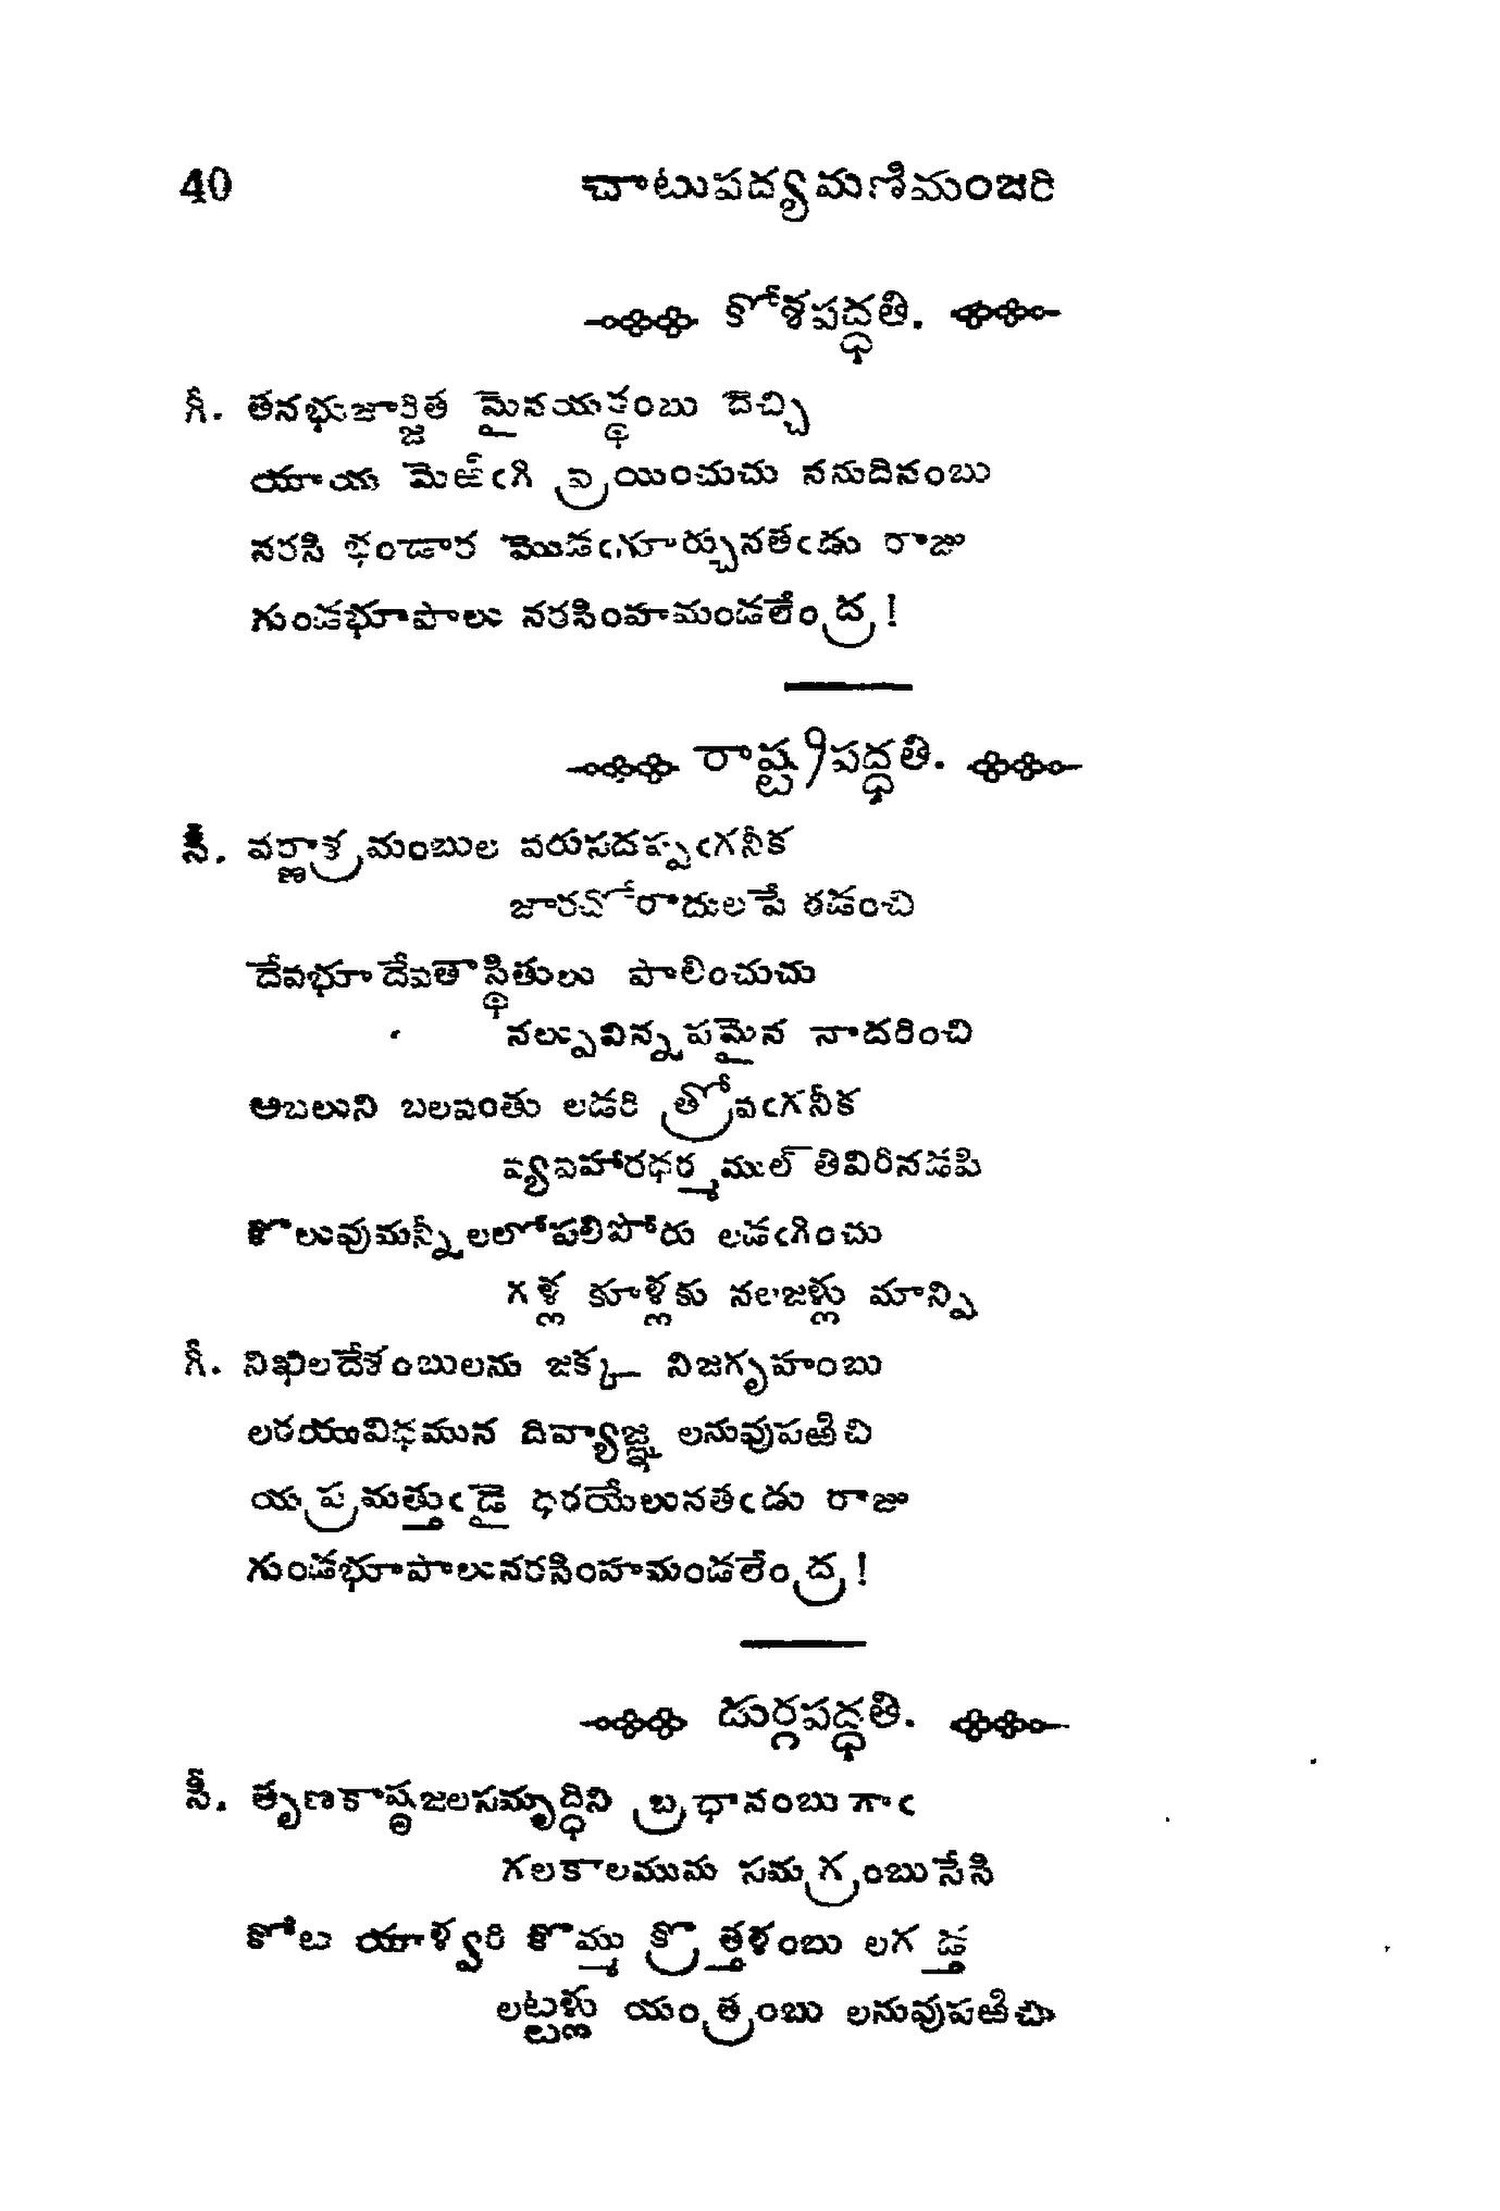గీ. తనభుజార్జిత మైనయర్థంబు దెచ్చి
 యాయ మెఱిఁగి వ్రయించుచు ననుదినంబు
 నరసి భండార మొడఁగూర్చునతఁడు రాజు
 గుండభూపాలునరసింహమండలేంద్ర!

సీ. వర్ణాశ్రమంబుల వరుస దప్పఁగనీక
 జారచోరాదులపే రడంచి
 దేవభూదేవతాస్థితులు పాలించుచు
 నల్పువిన్నపమైన నాదరించి
 అబలుని బలవంతు లడరి త్రోవఁగనీక
 వ్యవహారధర్మముల్ తివిరి నడపి
 కొలువుమన్నీలలోపలిపోరు లడఁగించు
 గళ్ళ కూళ్ళకు నలజళ్ళు మాన్పి
గీ. నిఖిలదేశంబులకును జక్క నిజగృహంబు
 లరయువిధమున దివ్యాజ్ఞ లనువుపఱిచి
 యప్రమత్తుఁడై ధర యేలునతఁడు రాజు
 గుండభూపాలునరసింహమండలేంద్ర!

సీ. తృణకాష్ఠజలసమృద్ధిని బ్రధానంబుగాఁ
 గలకాలమును సమగ్రంబు సేసి
 కోటి యాళ్వరి కొమ్ము క్రొత్తళంబు లగడ్త
 లట్టళ్ళు యంత్రంబు లనువుపఱిచి